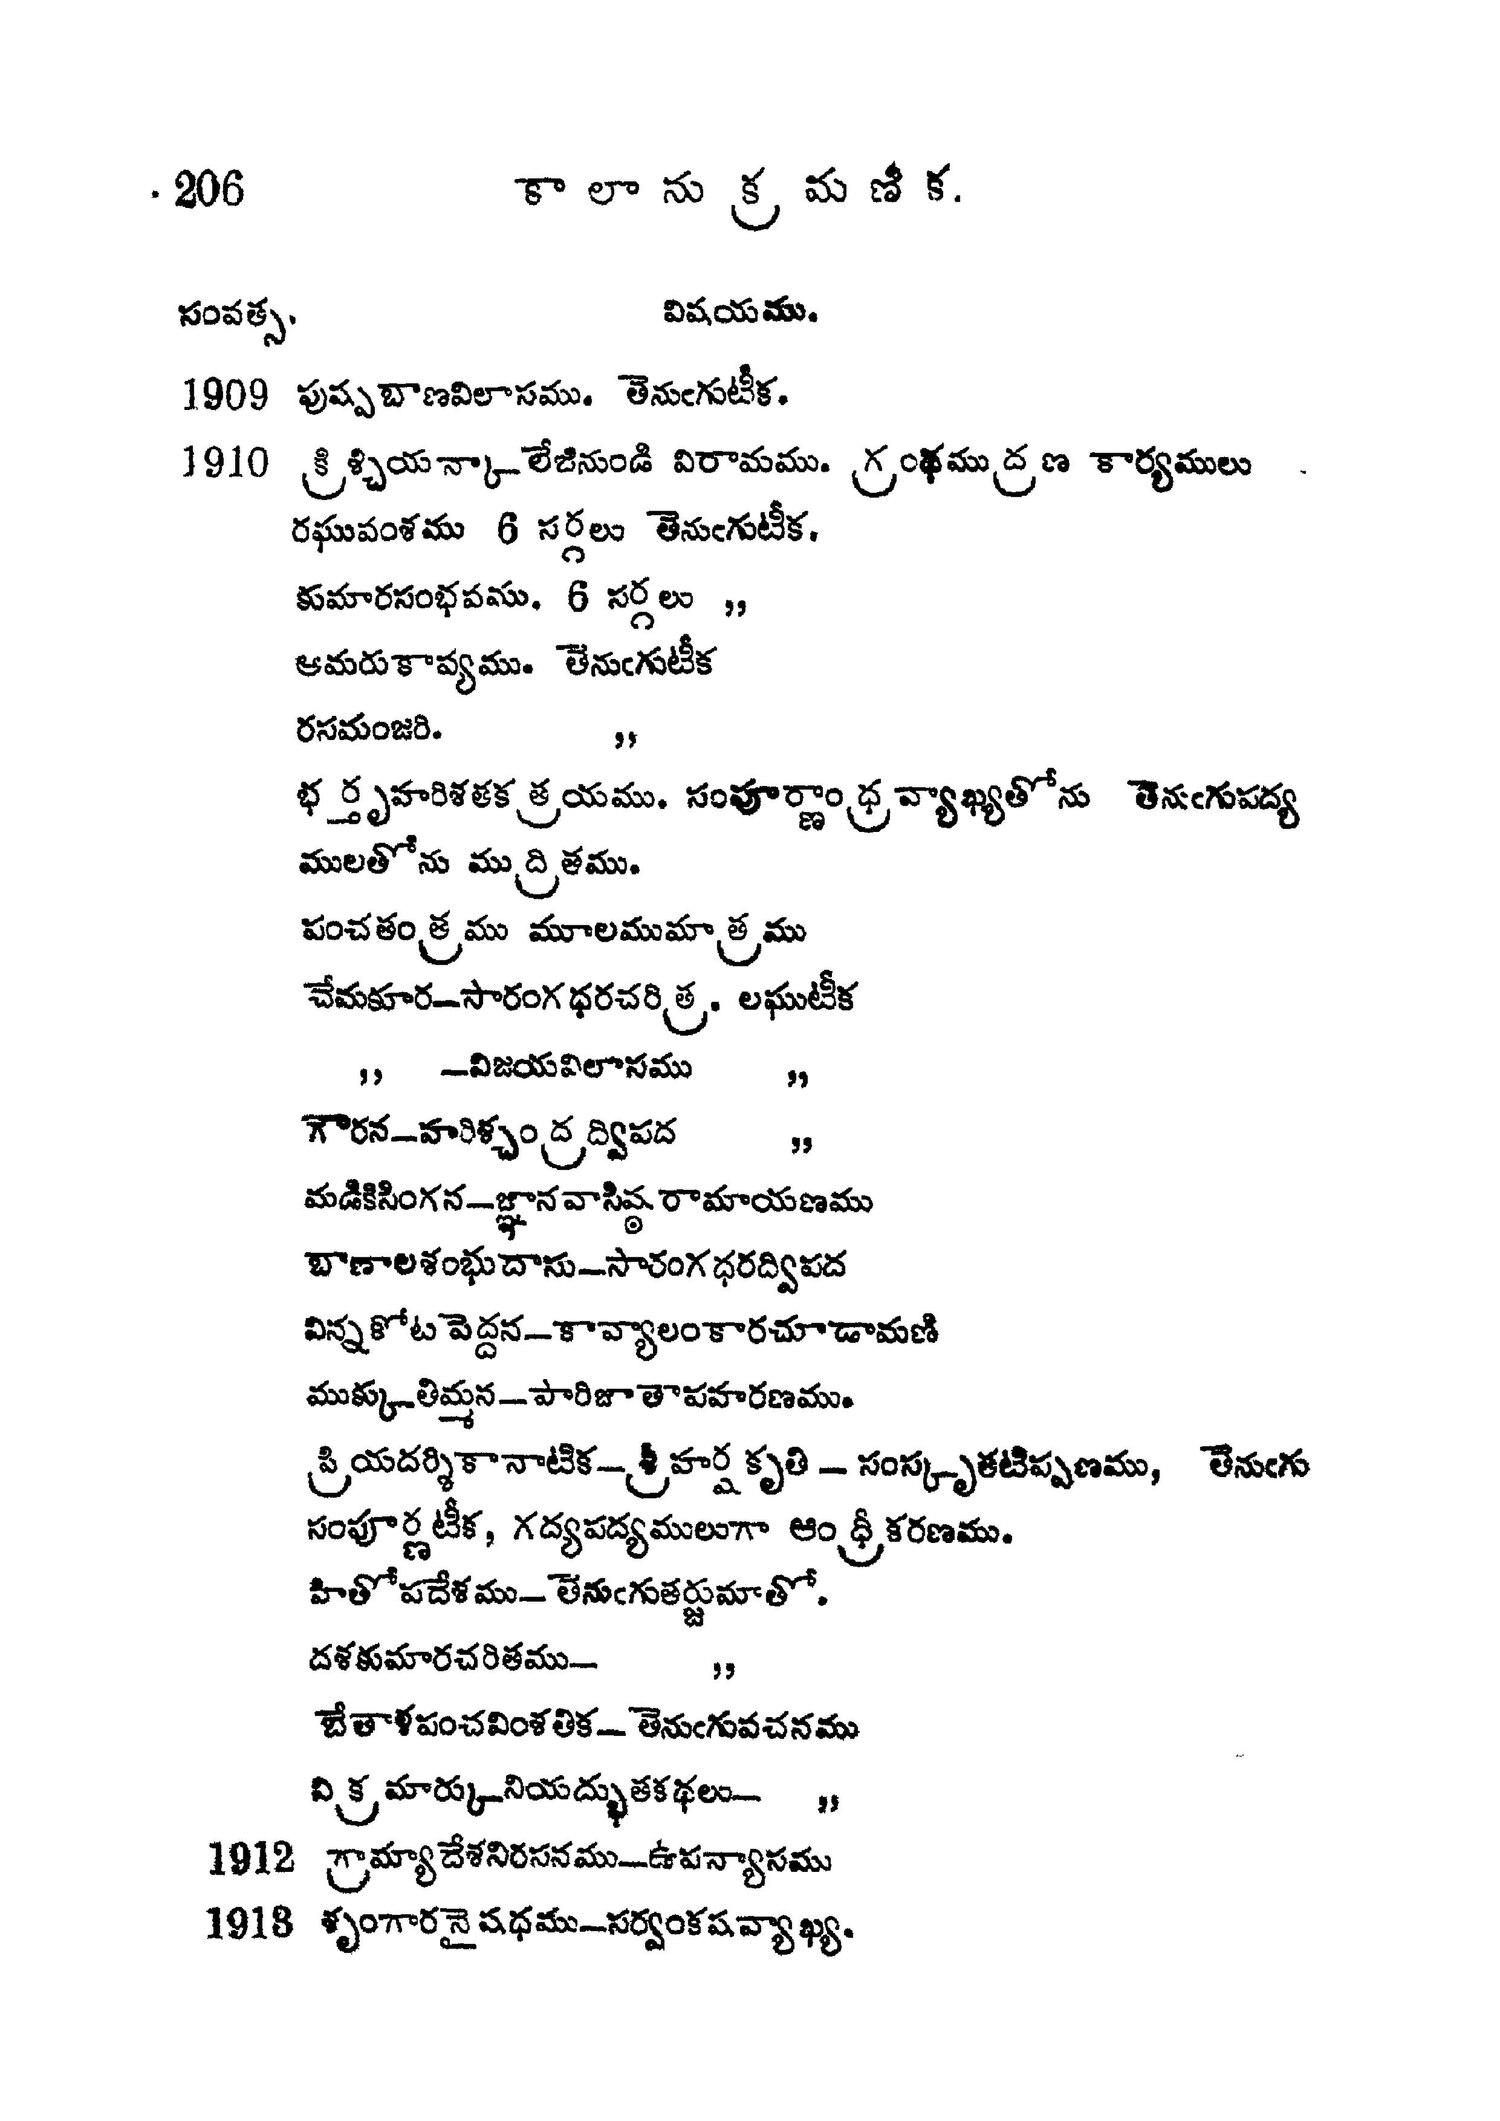1909 పుష్పబాణ విలాసము. తెనుగుటీక.

1910 క్రిశ్చియన్కాలేజి నుండి విరామము. గ్రంథముద్రణ కార్యములు

రఘువంశము 6 సర్గలు తెనుగుటీక.

కుమారసంభవము. 6 సర్గలు తెనుగుటీక.

అమరుకావ్యము. తెనుగుటీక.

రసమంజరి.

భర్తృహరి శతకత్రయము. సంపూర్ణాంధ్ర వ్యాఖ్యతోను తెనుగుపద్యములతోను ముద్రితము.

పంచతంత్రము మూలము మాత్రము

చేమకూర - సారంగధర చరిత్ర. లఘుటీక

చేమకూర - విజయవిలాసము. లఘుటీక

గౌరన - హరిశ్చంద్ర ద్విపద. లఘుటీక

మడికి సింగన - జ్ఞానవాసిష్ఠ రామాయణము

బాణాల శంభుదాసు - సారంగధర ద్విపద

విన్నకోట పెద్దన - కావ్యాలంకార చూడామణి

ముక్కు తిమ్మన - పారిజాతాపహరణము.

ప్రియదర్శికా నాటిక - శ్రీహర్ష కృతి - సంస్కృత టిప్పణము, తెనుగు సంపూర్ణ టీక, గద్యపద్యములుగా ఆంధ్రీకరణము.

హితోపదేశము - తెనుగు తర్జుమాతో.

దశకుమార చరితము - తెనుగు తర్జుమాతో.

బేతాళ పంచవింశతిక - తెనుగు వచనము

విక్రమార్కుని యద్భుత కథలు - తెనుగు వచనము.

1912 గ్రామ్యాదేశ నిరసనము - ఉపన్యాసము

1913 శృంగార నైషధము - సర్వంకష వ్యాఖ్య.